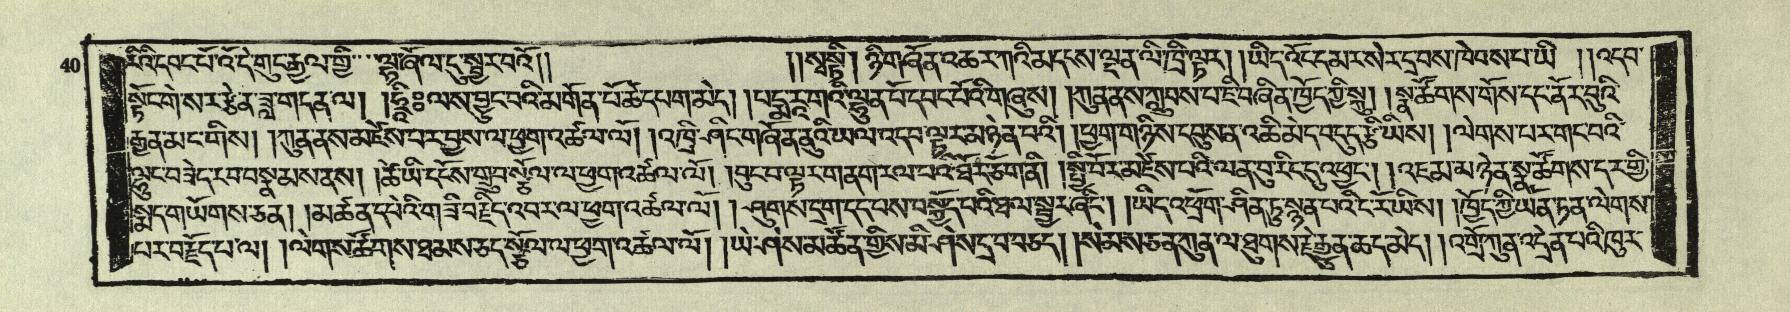རིའི་དབང་པོ་འོ་དེ་གུང་རྒྱལ་གྱི་ལྷ་ཞོལ་དུ་སྦྱར་བའོ།། །།སྭསྟི། ཉི་གཞོན་འཆར་ཀའི་མདངས་ལྡན་ལི་ཁྲི་ལྟར། །ཡིད་འོང་དམར་སེར་དྲ་བས་ཁེབས་པ་ཡི་། །འདབ་
སྟོང་གེ་སར་རྩེ་ན་ཟླ་གདན་ལ། །ཧྲཱིཿལས་བྱུང་བའི་མགོན་པོ་ཚེ་དཔག་མེད། །པདམ་རཱ་གའི་ལྷུན་པོ་དབང་པོའི་གཞུས། །ཀུན་ནས་ཀླུབས་པ་ཇི་བཞིན་ཁྱོད་ཀྱི་སྐུ། །སྣ་ཚོགས་གོས་དང་ནོར་བུའི་
རྒྱན་མང་གིས། །ཀུན་ནས་མཛེས་པར་བྱས་ལ་ཕྱག་འཚལ་ལོ། །འཁྲི་ཤིང་གཞོན་ནུའི་ཡལ་འདབ་ལྟར་མཉེན་པའི། །ཕྱག་གཉིས་དབུས་ན་འཆི་མེད་བདུད་རྩི་ཡིས། །ལེགས་པར་གང་བའི་
ལྷུང་བཟེད་རབ་བསྣམས་ནས། །ཚེ་ཡི་དངོས་གྲུབ་སྩོལ་ལ་ཕྱག་འཚལ་ལོ། །བུང་བ་ལྟར་གནག་རལ་བའི་ཐོར་ཅོག་ནི། །སྤྱི་བོར་མཛེས་པའི་ལན་བུ་རིང་དུ་འཕྱང་། །འཇམ་མཉེན་སྣ་ཚོགས་དར་གྱི་
སྨད་གཡོགས་ཅན། །མཚན་དཔེའི་གཟི་བརྗིད་འབར་ལ་ཕྱག་འཚལ་ལོ། །ཤུགས་དྲག་དད་པས་བསྐྱོད་པའི་ཐལ་སྦྱར་ཞིང་། །ཡིད་འཕྲོག་ཤིན་ཏུ་སྙན་པའི་ང་རོ་ཡིས། །ཁྱོད་ཀྱི་ཡོན་ཏན་ལེགས་
པར་བརྗོད་པ་ལ། །ལེགས་ཚོགས་ཐམས་ཅད་སྩོལ་ལ་ཕྱག་འཚལ་ལོ། །ཡེ་ཤེས་མཚོན་གྱིས་མི་ཤེས་དྲ་བ་བཅད། །སེམས་ཅན་ཀུན་ལ་ཐུགས་རྗེ་རྒྱུན་ཆད་མེད། །འགྲོ་ཀུན་འདྲེན་པའི་ཁུར་